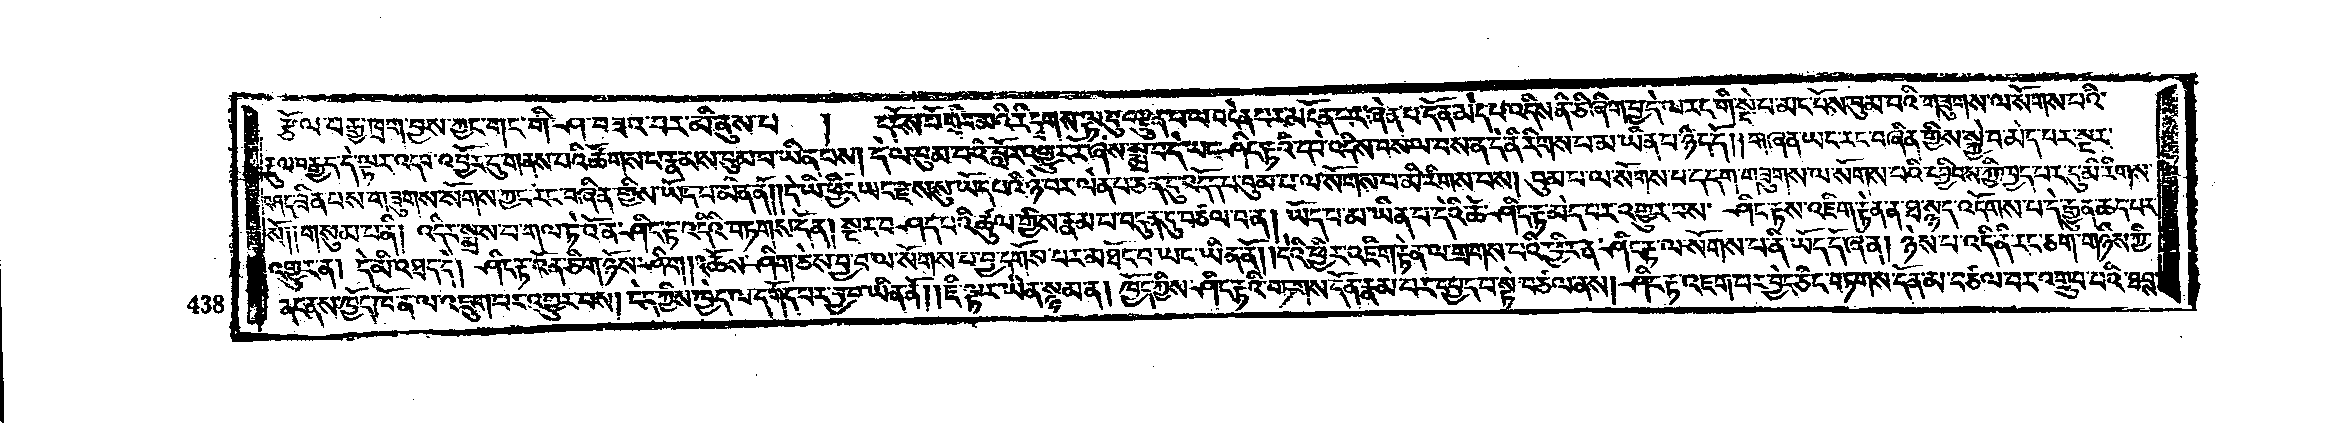རྩོལ་བརྒྱ་ཕྲག་བྱས་ཀྱང་གང་གི་ཤ་བཟའ་བར་མི་ནུས་པ། དངོས་པོ་གྲིབ་མའི་རི་དྭགས་ལྟ་བུ་བརྫུན་པ་ལ་བདེན་པར་མངོན་པར་ཞེན་པ་དོན་མེད་པ་འདིས་ནི་ཅི་ཞིག་བྱ་དེ་ལ་རང་གི་སྡེ་པ་མང་པོས་བུམ་པའི་གཟུགས་ལ་སོགས་པའི་
རྡུལ་བརྒྱད་དེ་ལྟར་འདབ་འབྱོར་དུ་གནས་པའི་ཚོགས་པ་རྣམས་བུམ་པ་ཡིན་པས། དེ་ལ་བུམ་པའི་བློར་འགྱུར་རོ་ཞེས་སྨྲ་བ་དེ་ཡང་ཤིང་རྟའི་དཔེ་འདིས་བསལ་བས་ན་དེ་ནི་རིགས་པ་མ་ཡིན་པ་ཉིད་དོ། །གཞན་ཡང་རང་བཞིན་གྱིས་སྐྱེ་བ་མེད་པར་སྔར་
བཤད་ཟིན་པས་གཟུགས་སོགས་ཀྱང་རང་བཞིན་གྱིས་ཡོད་པ་མིན་ནོ། །དེ་ཡི་ཕྱིར་ཡང་རྫས་སུ་ཡོད་པའི་ཉེ་བར་ལེན་པ་ཅན་དུ་འདོད་པ་བུམ་པ་ལ་སོགས་པ་མི་རིགས་པས། བུམ་པ་ལ་སོགས་པ་དེ་དག་གཟུགས་ལ་སོགས་པའི་དབྱིབས་ཀྱི་ཁྱད་པར་དུ་མི་རིགས་
སོ། གསུམ་པ་ནི། འདིར་སྨྲས་པ་གལ་ཏེ་འོ་ན་ཤིང་རྟ་འདིའི་བཏགས་དོན། སྔར་བཤད་པའི་ཚུལ་གྱིས་རྣམ་པ་བདུན་དུ་བཙལ་བ་ན། ཡོད་པ་མ་ཡིན་པ་དེའི་ཚེ་ཤིང་རྟ་མེད་པར་འགྱུར་བས་ཤིང་རྟས་འཇིག་རྟེན་ན་ཐ་སྙད་འདོགས་པ་དེ་རྒྱུན་ཆད་པར་
འགྱུར་ན། དེ་མི་འཐད་དེ། ཤིང་རྟ་འོན་ཅིག་ཉོས་ཤིག །འཆོས་ཤིག་ཅེས་བྱ་བ་ལ་སོགས་པ་བྱ་དགོས་པར་མཐོང་བ་ཡང་ཡིན་ནོ། །དེའི་ཕྱིར་འཇིག་རྟེན་ལ་གྲགས་པའི་ཕྱིར་ན་ཤིང་རྟ་ལ་སོགས་པ་ནི་ཡོད་དོ་ཞེ་ན། ཉེས་པ་འདི་ནི་རང་ཅག་གཉིས་ཀྱི་
ནང་ནས་ཁྱོད་ཁོ་ན་ལ་འཇུག་པར་འགྱུར་བས། ངེད་ཀྱིས་ཁྱེད་ལ་དགོད་པར་བྱ་བ་ཡིན་ནོ། །ཇི་ལྟར་ཡིན་སྙམ་ན། ཁྱོད་ཀྱིས་ཤིང་རྟའི་བཏགས་དོན་རྣམ་པར་དཔྱད་པ་སྟེ་བཙལ་ནས། ཤིང་རྟ་འཇོག་པར་བྱེད་ཅིང་བཏགས་དོན་མ་བཙལ་བར་འགྲུབ་པའི་ཐབས་